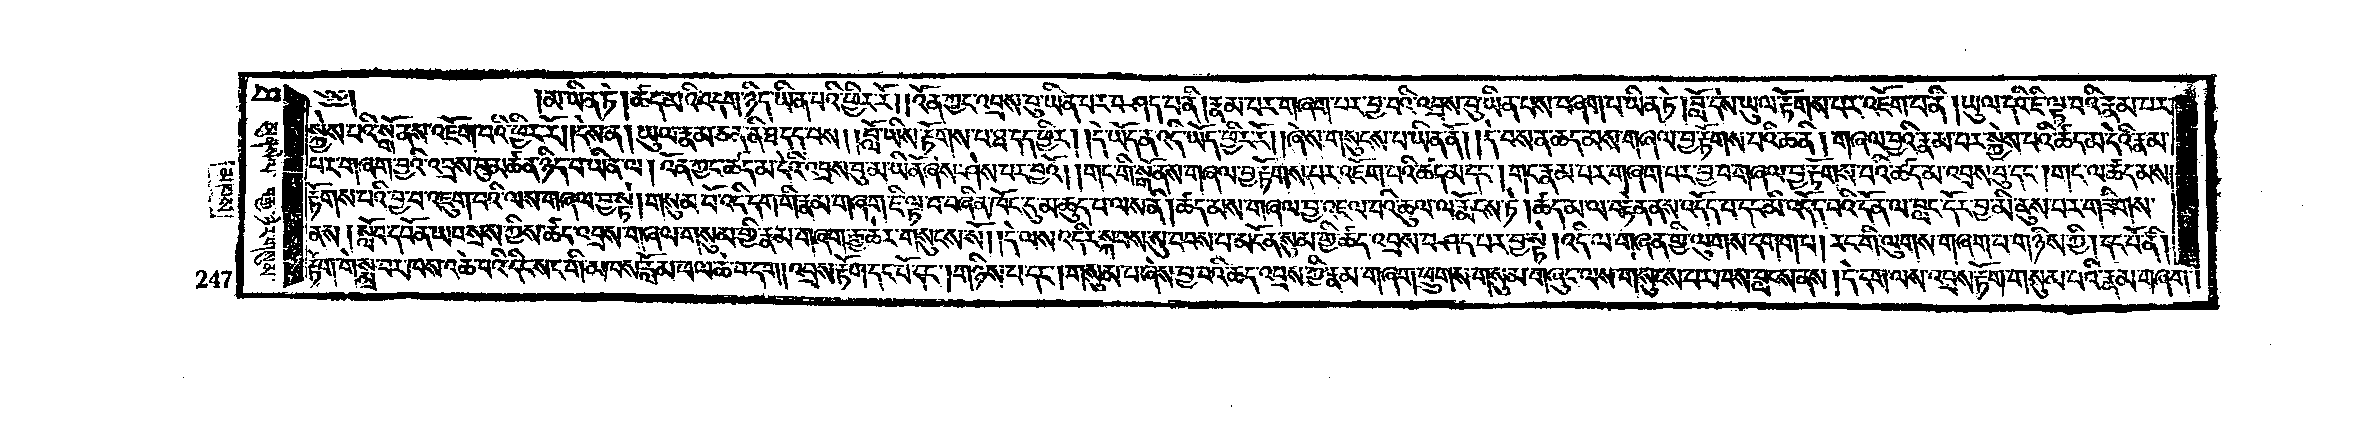༄༅། །མ་ཡིན་ཏེ། ཚད་མ་བདག་ཉིད་ཡིན་པའི་ཕྱིར་རོ། །འོན་ཀྱང་འབྲས་བུ་ཡིན་པར་བཤད་པ་ནི། རྣམ་པར་གཞག་པར་བྱ་བའི་འབྲས་བུ་ཡིན་པས་བཞག་པ་ཡིན་ཏེ། བློ་དེས་ཡུལ་རྟོགས་པར་འཇོག་པ་ནི། ཡུལ་དེའི་ཇི་ལྟ་བའི་རྣམ་པར་
སྐྱེས་པའི་སྒོ་ནས་འཇོག་པའི་ཕྱིར་རོ། །དེས་ན། ཡུལ་རྣམ་ཅན་ནི་ཐ་དད་པས། །བློ་ཡིས་རྟོགས་པ་ཐ་དད་ཕྱིར། །དེ་ཡོད་ན་འདི་ཡོད་ཕྱིར་རོ། །ཞེས་གསུངས་པ་ཡིན་ནོ། །དེ་བས་ན་ཚད་མས་གཞལ་བྱ་རྟོགས་པའི་ཆ་ནི། གཞལ་བྱའི་རྣམ་པར་སྐྱེས་པའི་ཚད་མ་དེའི་རྣམ་
པར་གཞག་བྱའི་འབྲས་བུ་མཚན་ཉིད་པ་ཡིན་ལ། འོན་ཀྱང་ཚད་མ་དེའི་འབྲས་བུ་མ་ཡིན་ནོ་ཞེས་ཤེས་པར་བྱའོ། །གང་གི་སྒོ་ནས་གཞལ་བྱ་རྟོགས་པར་འཇོག་པའི་ཚད་མ་དང་། གང་རྣམ་པར་གཞག་པར་བྱ་བ་གཞལ་བྱ་རྟོགས་པའི་ཚད་མ་འབྲས་བུ་དང་། གང་ལ་ཚད་མས་
རྟོགས་པའི་བྱ་བ་འཇུག་པའི་ལས་གཞལ་བྱ་སྟེ། གསུམ་པོ་འདི་དག་གི་རྣམ་གཞག་ཇི་ལྟ་བ་བཞིན་ཁོང་དུ་མ་ཆུད་པ་ལས་ནི། ཚད་མས་གཞལ་བྱ་འཇལ་བའི་ཚུལ་ལ་རྨོངས་ཏེ། ཚད་མ་ལ་བརྟེན་ནས་འདོད་པ་དང་མི་འདོད་པའི་དོན་ལ་བླང་དོར་བྱ་མི་ནུས་པར་གཟིགས་
ནས། སློབ་དཔོན་ཡབ་སྲས་ཀྱིས་ཚང་འབྲས་གཞལ་གསུམ་གྱི་རྣམ་གཞག་རྒྱ་ཆེར་གསུངས་སོ། །དེ་ལས་འདིར་སྐབས་སུ་བབས་པ་མངོན་སུམ་གྱི་ཚད་འབྲས་བཤད་པར་བྱ་སྟེ། འདི་ལ་གཞན་གྱི་ལུགས་དགག་པ། རང་གི་ལུགས་གཞག་པ་གཉིས་ཀྱི། དང་པོ་ནི།
རྟོག་གེ་སྨྲ་བར་ཁས་འཆེ་བའི་དིང་?་སང་གི་མཁས་རློམ་ཕལ་ཆེ་བ་དག། འབྲས་རྟོག་དང་པོ་དང་། གཉིས་པ་དང་། གསུམ་པ་ཞེས་བྱ་བའི་ཚད་འབྲས་ཀྱི་རྣམ་གཞག་ཕྲུགས་གསུམ་གཞུང་ལས་གསུངས་པར་ཁས་བླངས་ནས། དེ་དག་ལས་འབྲས་རྟོག་གསུམ་པའི་རྣམ་གཞག་